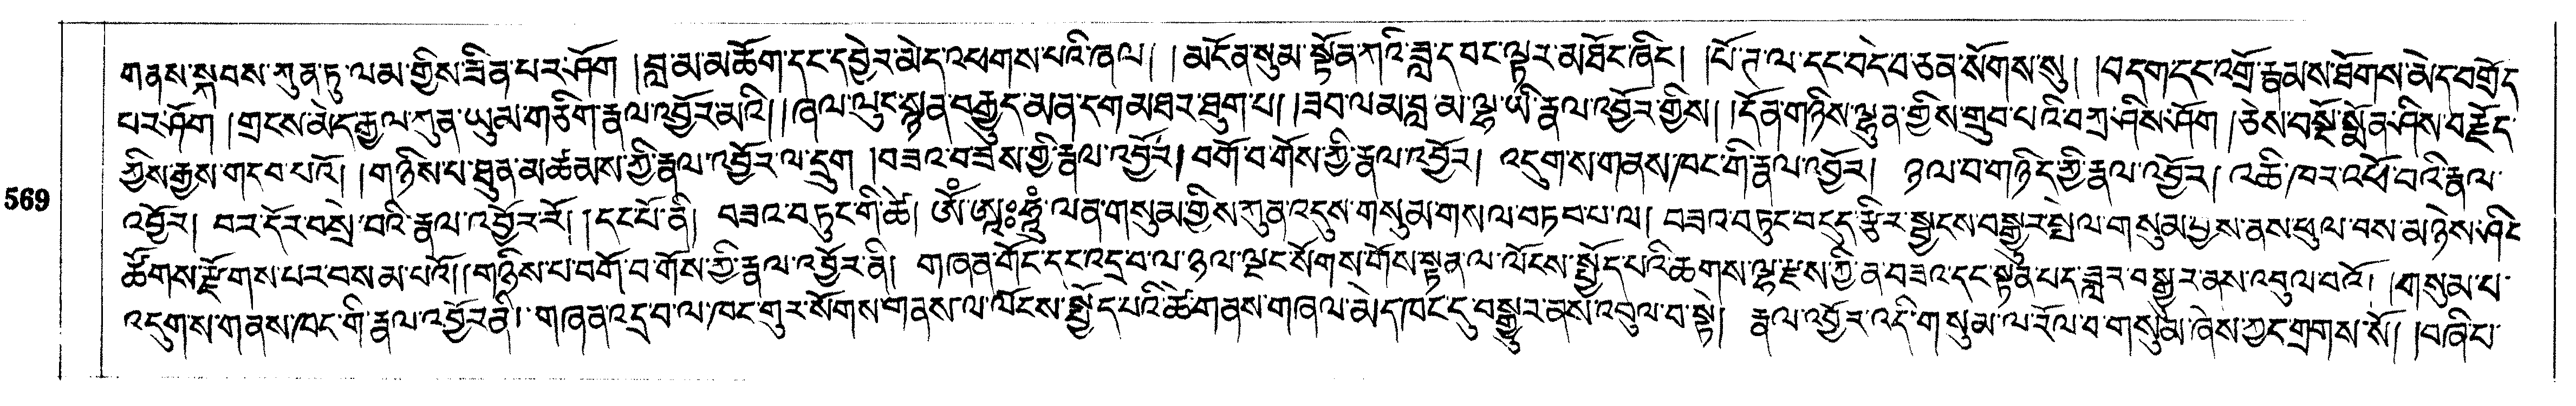གནས་སྐབས་ཀུན་ཏུ་ལམ་གྱིས་ཟིན་པར་ཤོག །བླ་མ་མཆོག་དང་དབྱེར་མེད་འཕགས་པའི་ཞལ། །མངོན་སུམ་སྟོན་ཀའི་ཟླ་དབང་ལྟར་མཐོང་ཞིང་། །པོ་ཊ་ལ་དང་བདེ་བ་ཅན་སོགས་སུ། །བདག་དང་འགྲོ་རྣམས་ཐོགས་མེད་བགྲོད་
པར་ཤོག །གྲངས་མེད་རྒྱལ་ཀུན་ཡུམ་གཅིག་རྣལ་འབྱོར་མའི། །ཞལ་ལུང་སྙན་བརྒྱུད་མན་ངག་མཐར་ཐུག་པ། །ཟབ་ལམ་བླ་མ་ལྷ་ཡི་རྣལ་འབྱོར་གྱིས། །དོན་གཉིས་ལྷུན་གྱིས་གྲུབ་པའི་བཀྲ་ཤིས་ཤོག །ཅེས་བསྔོ་སྨོན་ཤིས་བརྗོད་
ཀྱིས་རྒྱས་གདབ་པའོ། །གཉིས་པ་ཐུན་མཚམས་ཀྱི་རྣལ་འབྱོར་ལ་དྲུག །བཟའ་བ་ཟས་གྱི་རྣལ་འབྱོར། བགོ་བ་གོས་ཀྱི་རྣལ་འབྱོར། འདུག་ས་གནས་ཁང་གི་རྣལ་འབྱོར། ཉལ་བ་གཉིད་ཀྱི་རྣལ་འབྱོར། འཆི་ཁར་འཕོ་བའི་རྣལ་
འབྱོར། བར་དོར་བསྲེ་བའི་རྣལ་འབྱོར་རོ། །དང་པོ་ནི། བཟའ་བཏུང་གི་ཚེ། ཨོཾ་ཨཱཿ ཧཱུཾ་ལན་གསུམ་གྱིས་ཀུན་འདུས་གསུམ་གསལ་བཏབ་པ་ལ། བཟའ་བཏུང་བདུད་རྩིར་སྦྱངས་བསྒྱུར་སྤེལ་གསུམ་བྱས་ནས་ཕུལ་བས་མཉེས་ཤིང་
ཚོགས་རྫོགས་པར་བསམ་པའོ། །གཉིས་པ་བགོ་བ་གོས་ཀྱི་རྣལ་འབྱོར་ནི། གཞན་གོང་དང་འདྲ་བ་ལ་ཉལ་ལྔང་སོགས་གོས་སྟན་ལ་ལོངས་སྤྱོད་པའི་ཆགས་ལྷ་རྫས་ཀྱི་ན་བཟའ་དང་སྟན་པད་ཟླར་བསྒྱུར་ནས་འབུལ་བའོ། །གསུམ་པ་
འདུག་ས་གནས་ཁང་གི་རྣལ་འབྱོར་ནི། གཞན་འདྲ་བ་ལ་ཁང་གུར་སོགས་གནས་ལ་ལོངས་སྤྱོད་པའི་ཚེ་གནས་གཞལ་མེད་ཁང་དུ་བསྒྱུར་ནས་འབུལ་བ་སྟེ། རྣལ་འབྱོར་འདི་གསུམ་ལ་རོལ་བ་གསུམ་ཞེས་ཀྱང་གྲགས་སོ། །བཞི་པ་